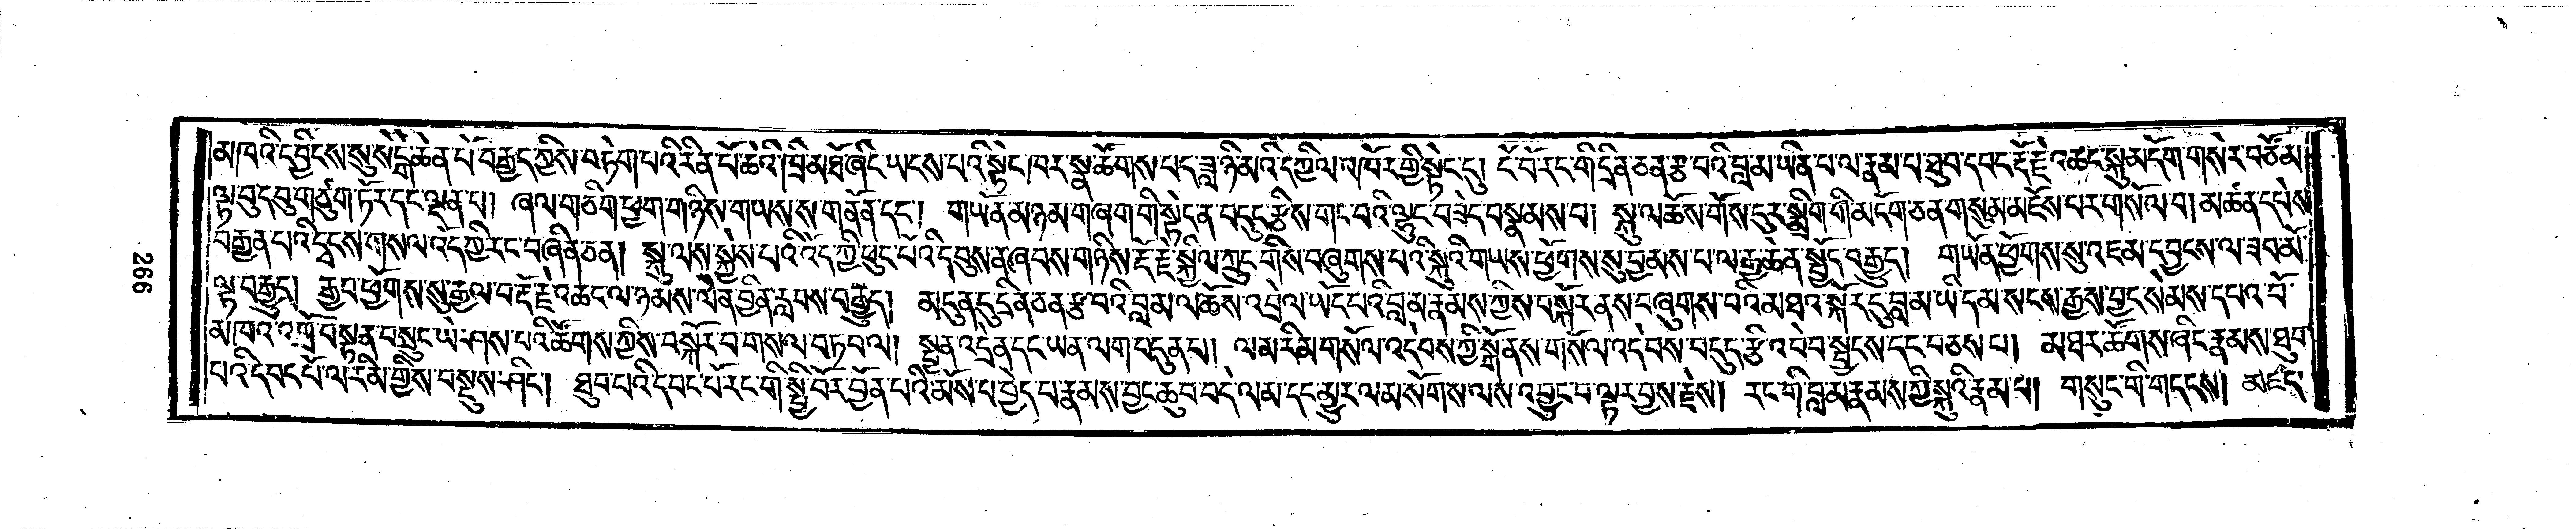མཁའི་དབྱིངས་སུ་སེངྒེ་ཆེན་པོ་བརྒྱད་ཀྱིས་བཏེག་པའི་རིན་པོ་ཆེའི་ཁྲི་མཐོ་ཞིང་ཡངས་པའི་སྟེང་ཁར་སྣ་ཚོགས་པད་ཟླ་ཉི་མའི་དཀྱིལ་འཁོར་གྱི་སྟེང་དུ། ངོ་བོ་རང་གི་དྲིན་ཅན་རྩ་བའི་བླ་མ་ཡིན་པ་ལ་རྣམ་པ་ཐུབ་དབང་རྡོ་རྗེ་འཆང་སྐུ་མདོག་གསེར་བཙོམ་
ལྟ་བུ་དབུ་གཙུག་ཏོར་དང་ལྡན་པ། ཞལ་གཅིག་ཕྱག་གཉིས་གཡས་ས་གནོན་དང་། གཡོན་མཉམ་གཞག་གི་སྟེང་ན་བདུད་རྩིས་གང་བའི་ལྷུང་བཟེད་བསྣམས་པ། སྐུ་ལ་ཆོས་གོས་དུར་སྨྲིག་གི་མདོག་ཅན་གསུམ་མཇོས་པར་གསོལ་བ། མཚན་དཔེས་
བརྒྱན་པའི་དྭངས་གསལ་འོད་ཀྱི་རང་བཞིན་ཅན། སྐུ་ལས་སྐྱེས་པའི་འོད་ཀྱི་ཕུང་པོའི་དབུས་ན་ཞབས་གཉིས་རྡོ་རྗེ་སྐྱིལ་ཀྲུང་གིས་བཞུགས་པའི་སྐུའི་གཡས་ཕྱོགས་སུ་བྱམས་པ་ལ་རྒྱ་ཆེན་སྦྱོད་བརྒྱུད། གཡོན་ཕྱོགས་སུ་འཇམ་དབྱངས་ལ་ཟབ་མོ་
ལྟ་བརྒྱུད། རྒྱབ་ཕྱོགས་སུ་རྒྱལ་བ་རྡོ་རྗེ་འཆང་ལ་ཉམས་ལེན་བྱིན་རླབས་བརྒྱུད། མདུན་དུ་དྲིན་ཅན་རྩ་བའི་བླ་མ་ལ་ཆོས་འབྲེལ་ཡོང་པའི་བླ་མ་རྣམས་ཀྱིས་བསྐོར་ནས་བཞུགས་པའི་མཐའ་སྐོར་དུ་བླ་མ་ཡི་དམ་སངས་རྒྱས་བྱང་སེམས་དཔའ་བོ་
མཁའ་འགྲོ་བསྟན་བསྲུང་ཡེ་ཤེས་པའི་ཚོགས་ཀྱིས་བསྐོར་བ་གསལ་བཏབ་ལ། སྤྱན་འདྲེན་དང་ཡན་ལག་བདུན་པ། ལམ་རིམ་གསོལ་འདེབས་ཀྱི་སྒོ་ནས་གསོལ་འདེབས་བདུད་རྩི་འབེབ་སྦྱངས་དང་བཅས་པ། མཐར་ཚོགས་ཞིང་རྣམས་ཐུབ་
པའི་དབང་པོ་ལ་རིམ་གྱིས་བསྡུས་ཤིང་། ཐུབ་པའི་དབང་པོ་རང་གི་སྤྱི་བོར་བྱོན་པའི་མོས་པ་བྱེད་པ་རྣམས་བྱང་ཆུབ་བདེ་ལམ་དང་མྱུར་ལམ་སོགས་ལས་འབྱུང་བ་ལྟར་བྱས་རྗེས། རང་གི་བླ་མ་རྣམས་ཀྱི་སྐུའི་རྣམ་པ། གསུང་གི་གདངས། མཛད་